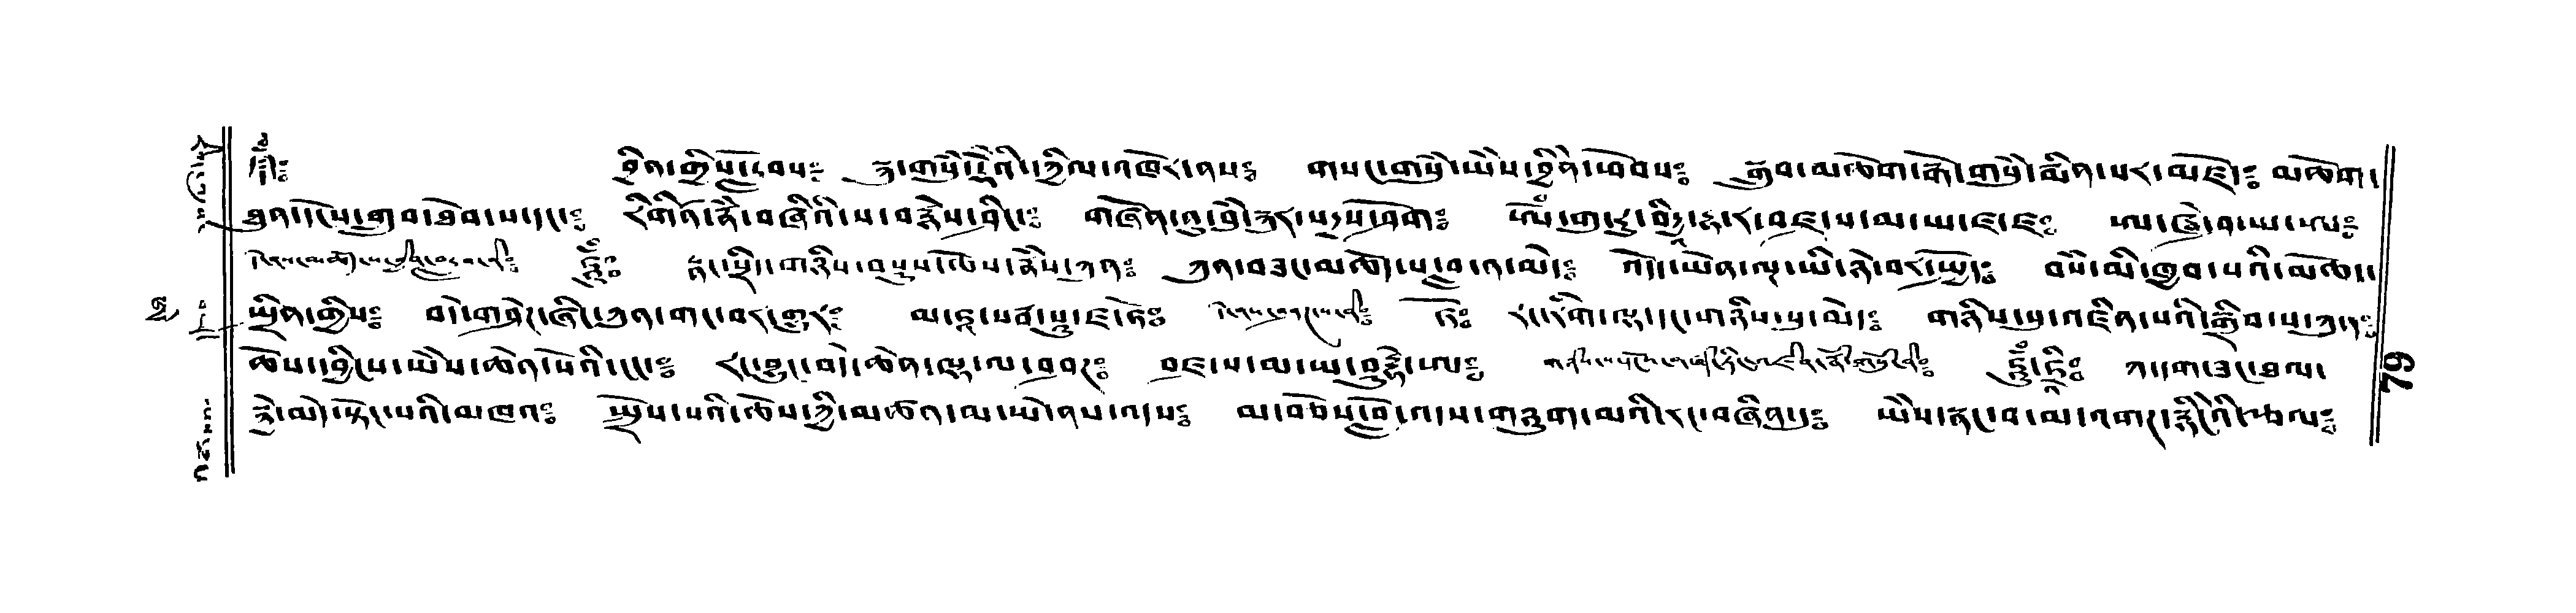བྱིན་གྱིས་རློབས༔ སྐུ་གསུམ་རྡོ་རྗེའི་དཀྱིལ་འཁོར་ནས༔ གསང་གསུམ་ཡེ་ཤེས་བྱིན་ཆེན་ཕོབས༔ སྒྲུབ་མཆོག་སྒོ་གསུམ་སྨིན་པར་མཛོད༔ མཆོག་
ཐུན་དངོས་གྲུབ་འཐོབ་པ་དང༔ རིག་འཛིན་རྣམ་བཞིའི་ས་བརྙེས་ཤིང༔ གཞོན་ནུ་བུམ་སྐུར་སངས་རྒྱས་ཤོག༔ ཨོཾ་གུ་རུ་བིདྱཱ་དྷ་ར་བཛྲ་ས་མ་ཡ་ཛ་ཛཿ ཨ་ཝེ་ཤ་ཡ་ཨ༔ 
དེ་ནས་མཆོད་པ་བྱིན་བརླབ་ནི༔ ཧཱུྃཿ སྣང་སྲིད་གཉིས་བསྡུས་ཆོས་རྣམས་ཀུན༔ ཀུན་བཟང་མཆོད་པ་བླ་ན་མེད༔ འདོད་ཡོན་ལྔ་ཡི་ཉེ་བར་སྤྱོད༔ བསམ་མི་ཁྱབ་པའི་མཆོད་
སྤྲིན་གྱིས༔ བདེ་གཤེགས་ཞིང་ཀུན་གང་བར་གྱུར༔ མ་ཧཱ་སརྦ་པཱུ་ཛ་ཧོཿ དེ་ནས་བཤགས་པ་ནི༔ ཧོ༔ རང་རིག་ལྷ་དང་གཉིས་སུ་མེད༔ གཉིས་སུ་འཛིན་པའི་སྒྲིབ་པ་ཀུན༔ 
ཆོས་དབྱིངས་ཡེ་ཤེས་ཆེན་པོའི་ངང༔ རང་བྱུང་བདེ་ཆེན་ལྷ་ལ་བཤགས༔ བཛྲ་ས་མ་ཡ་ཤུདྡྷེ་ཨ༔ གཉིས་པ་དངོས་གཞི་ཏིང་འཛིན་རྣམ་གསུམ་ནི༔ ཧཱུྃ་ཧྲཱིཿ ཀ་དག་ཟང་ཐལ་
སྐྱེ་མེད་སྟོང་པའི་མཁའ༔ སྤྲོས་པའི་ཆོས་ཀྱི་མཚན་མ་ཡེ་ནས་འདས༔ མ་བཅོས་བློ་འདས་གཉུག་མའི་རང་བཞིན་དུ༔ ཡེ་ཤེས་སྣང་བ་མ་འགགས་སྙིང་རྗེའི་རྩལ༔